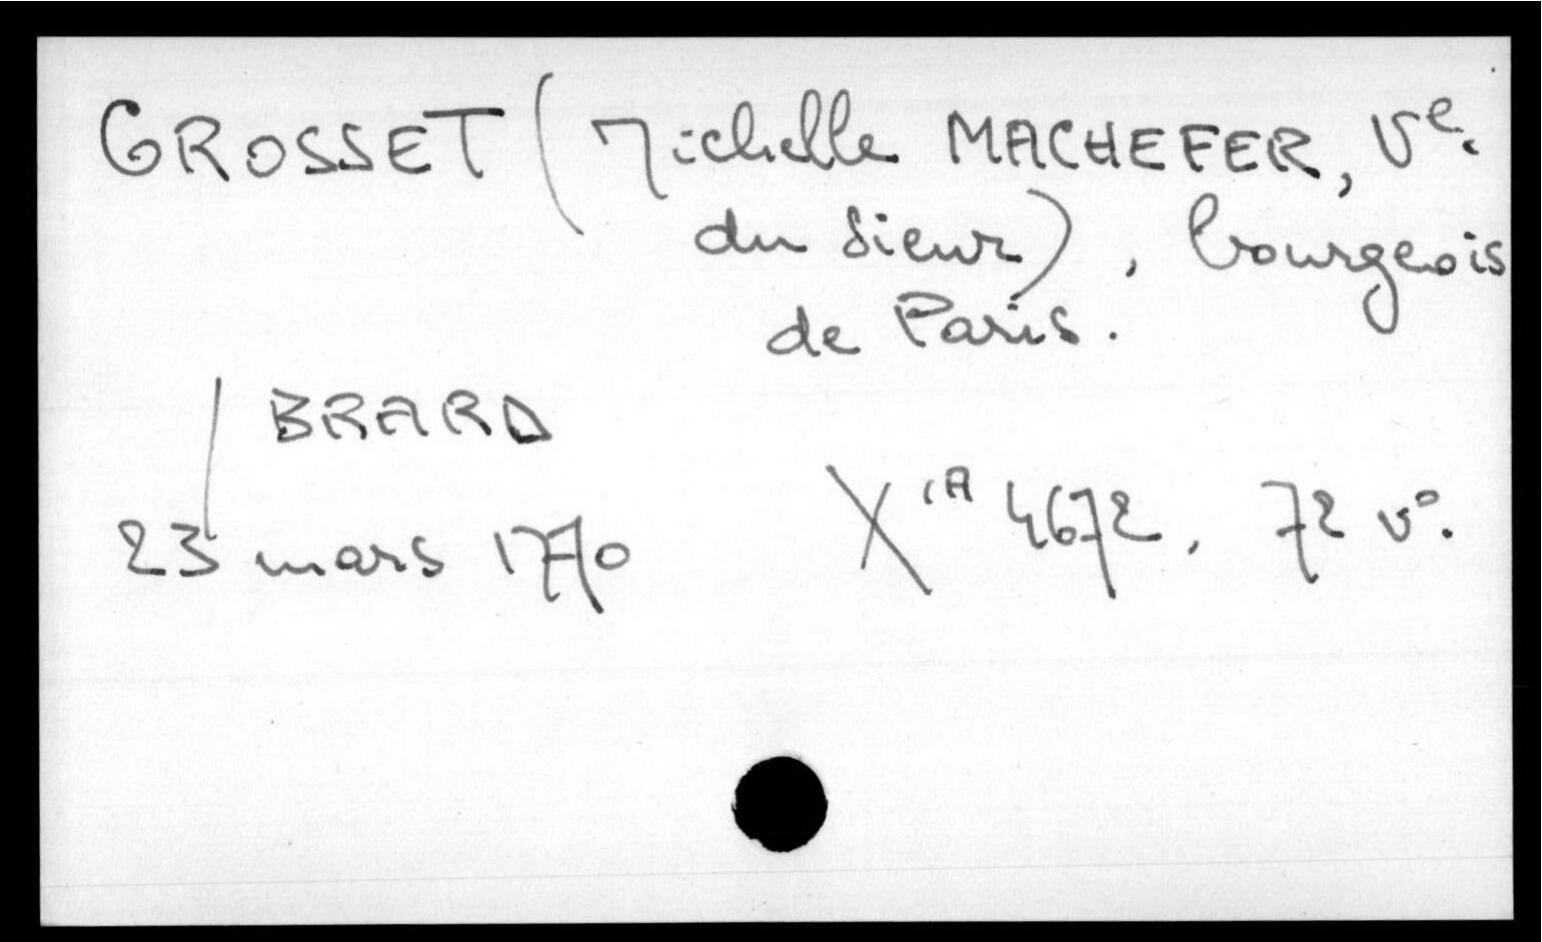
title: GROSSET (Michelle MACHEFER, veuve du sieur), bourgeois de Paris.
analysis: Contre BRARD
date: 23 mars 1770
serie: X1A
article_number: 4672
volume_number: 72v
